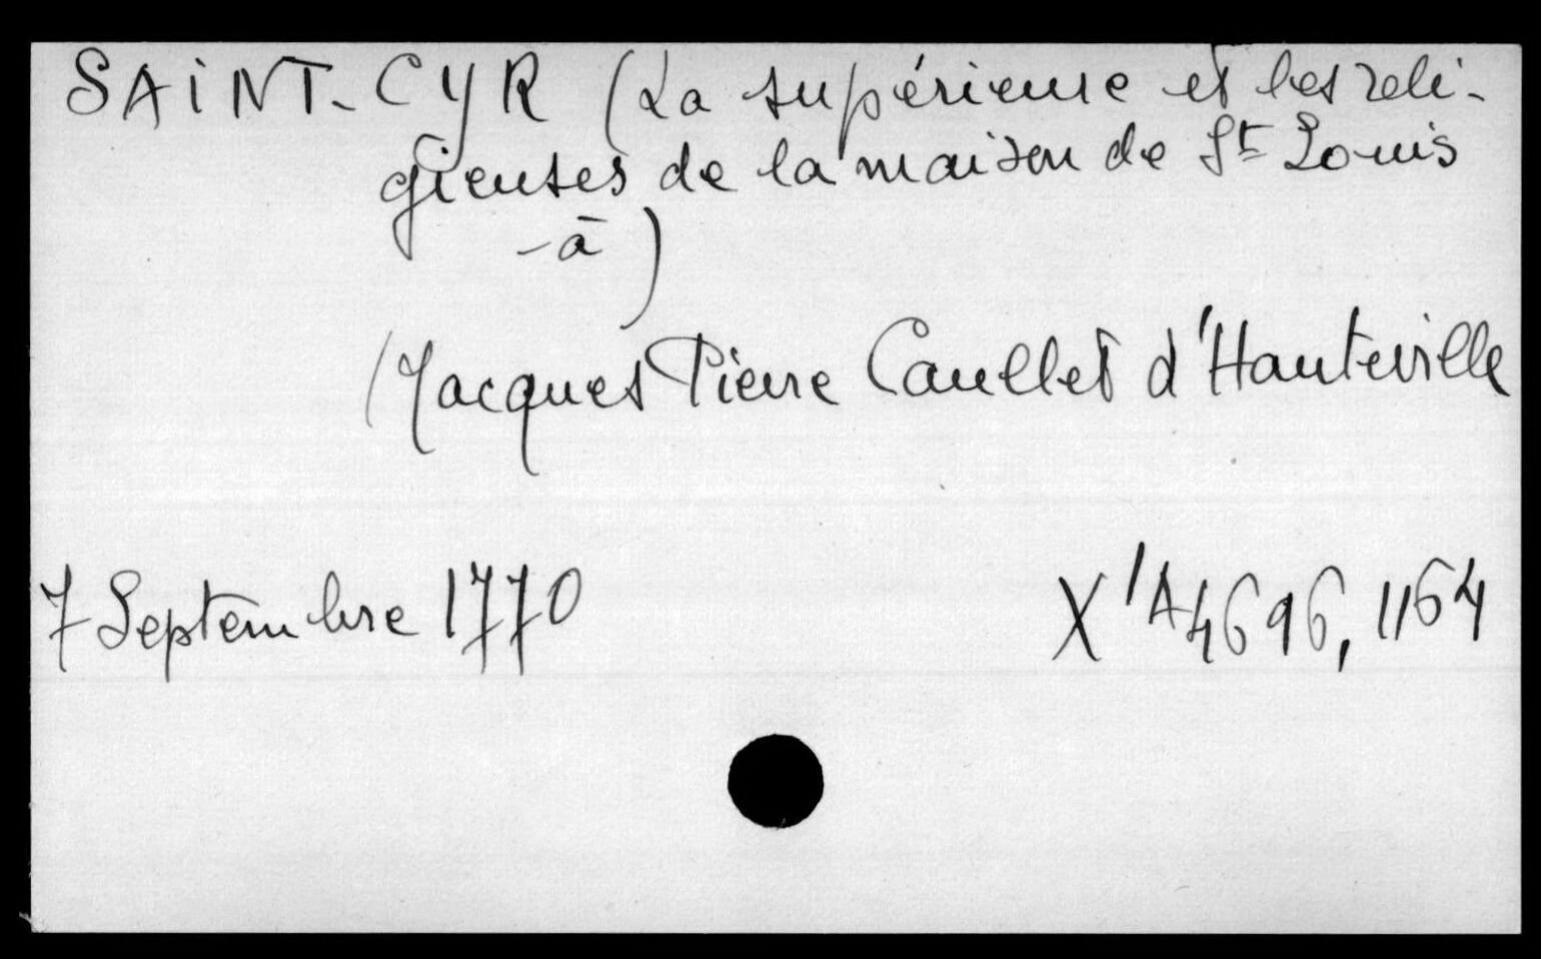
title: SAINT-CYR (La supérieure et les religieuses de la maisOn de Saint-Louis
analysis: Contre Jacques Pierre Caullet d'Hauteville
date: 7 septembre 1770
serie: X1A
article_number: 4696
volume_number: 1164
